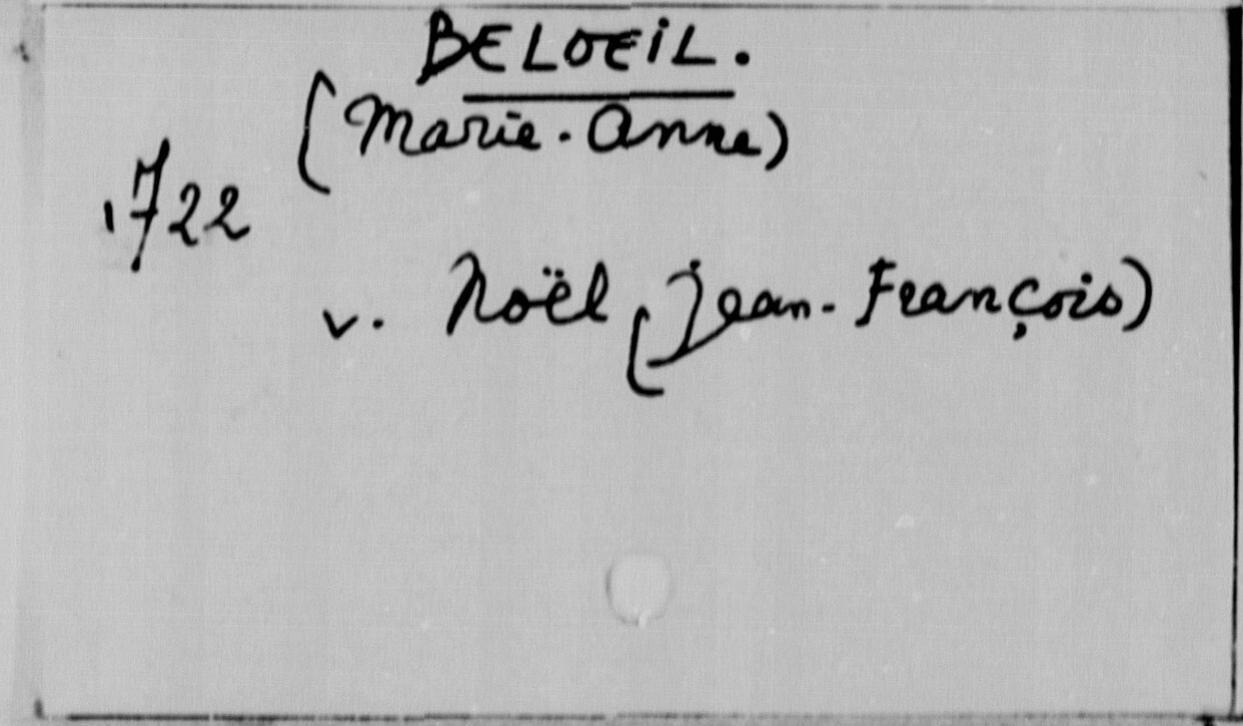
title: BELOEIL (Marie-Anne)
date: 1722
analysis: Voir NOËL (Jean-François)
